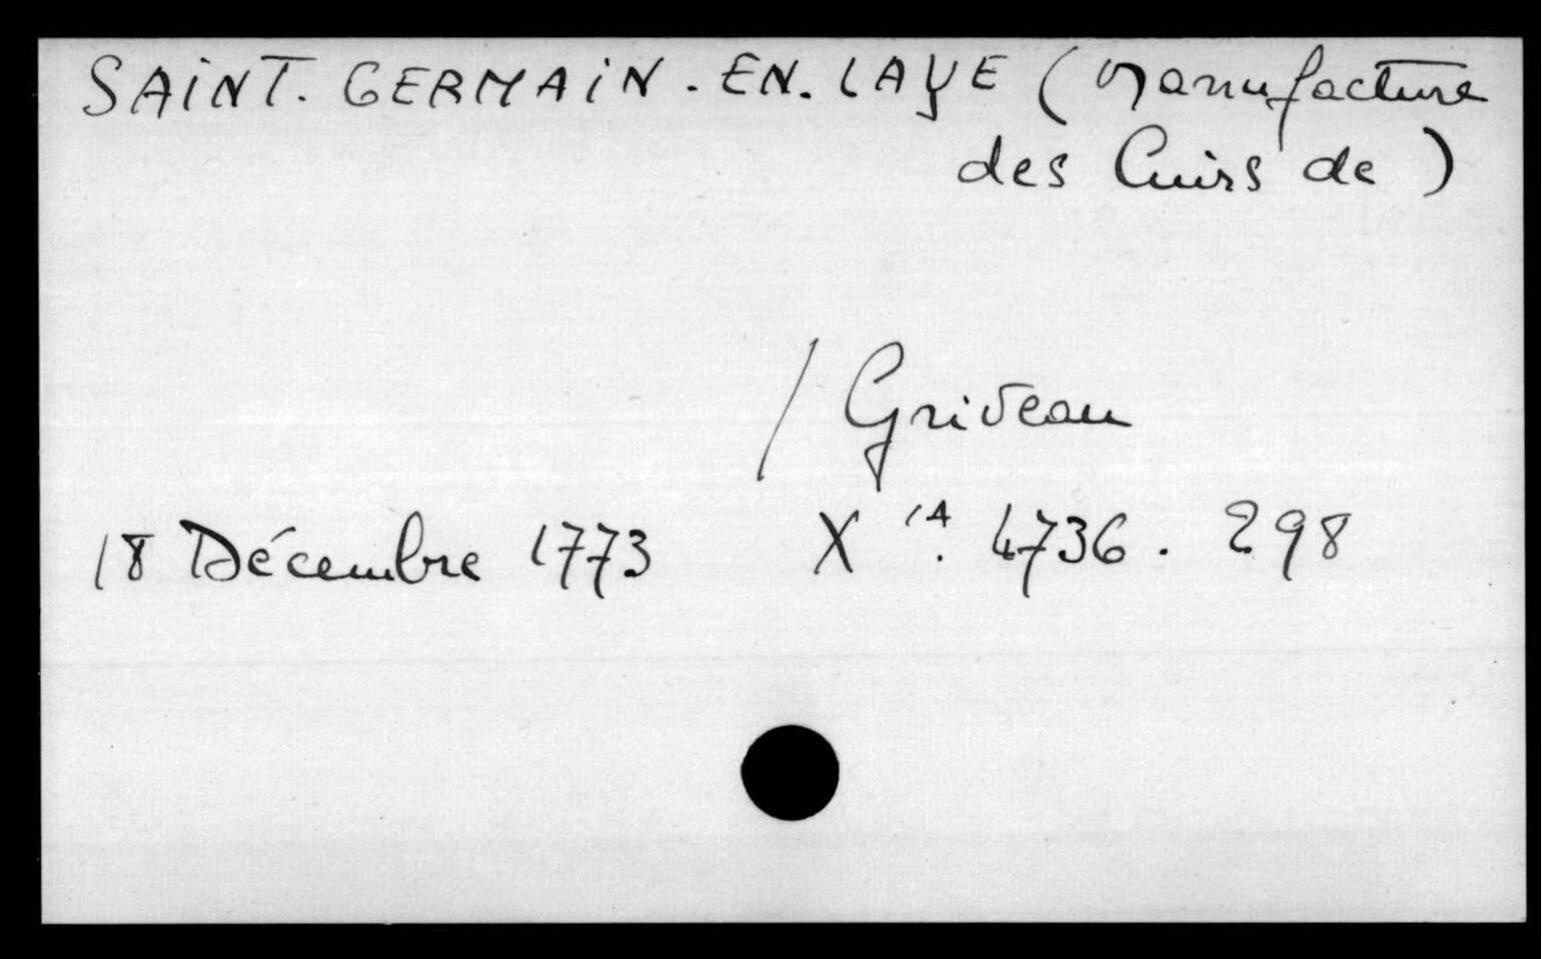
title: SAINT-GERMAIN-EN-LAYE (Manufacture des Cuirs de)
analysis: Contre Griveau
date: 18 décembre 1773
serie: X1A
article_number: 4736
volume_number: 298
